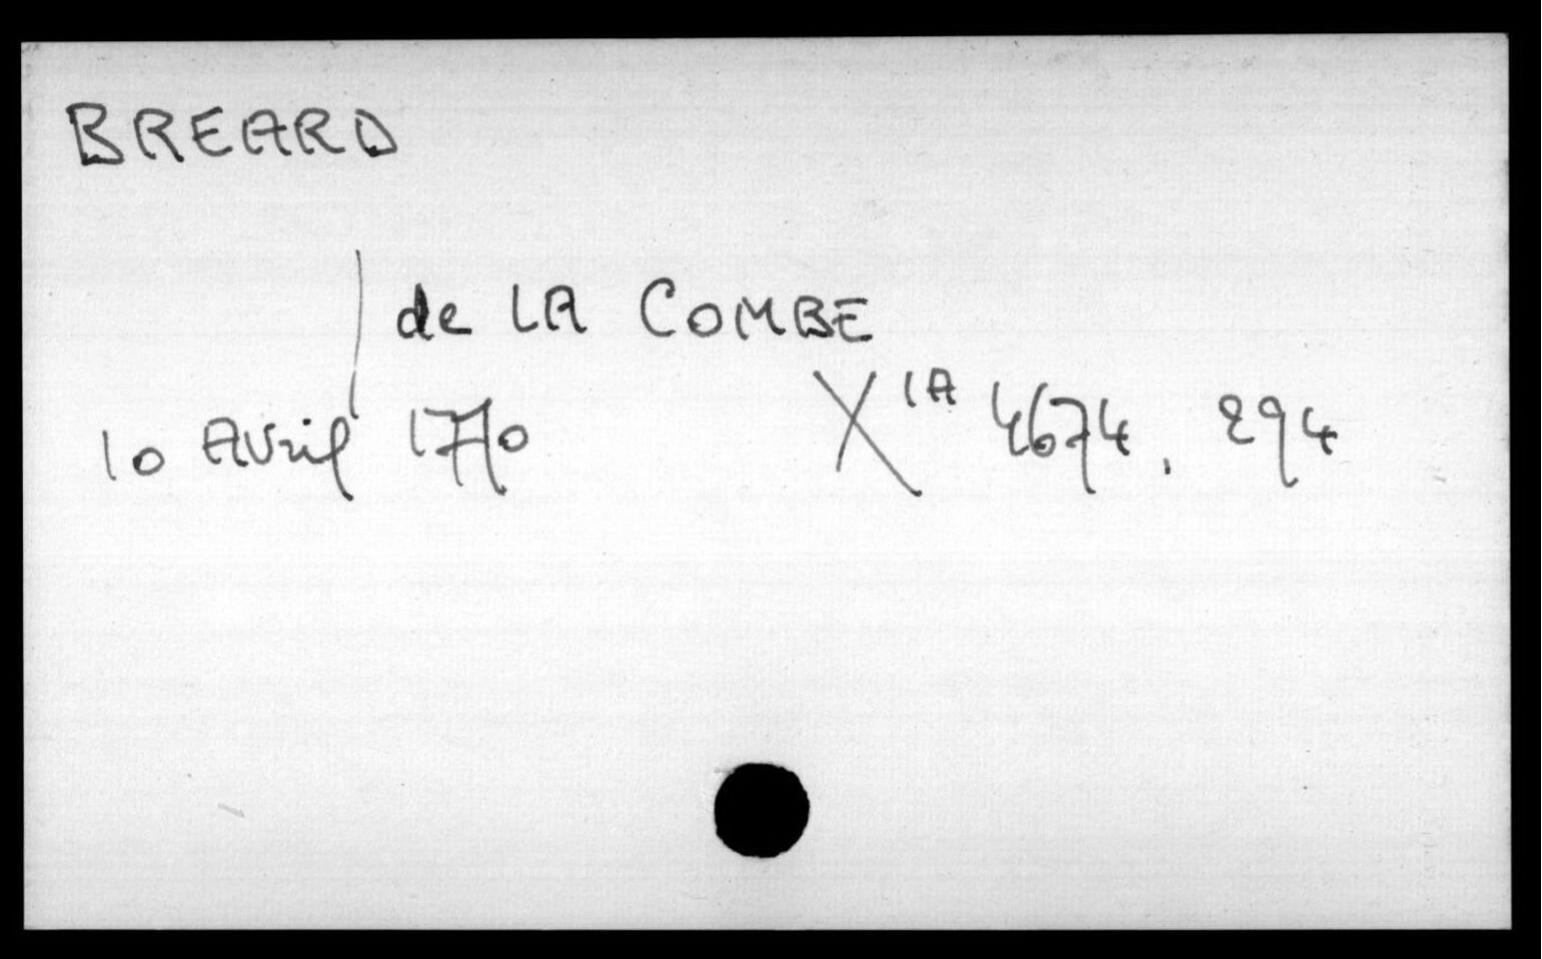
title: BREARD
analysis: Contre de LA COMBE
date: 10 avril 1770
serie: X1A
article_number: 4674
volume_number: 294
